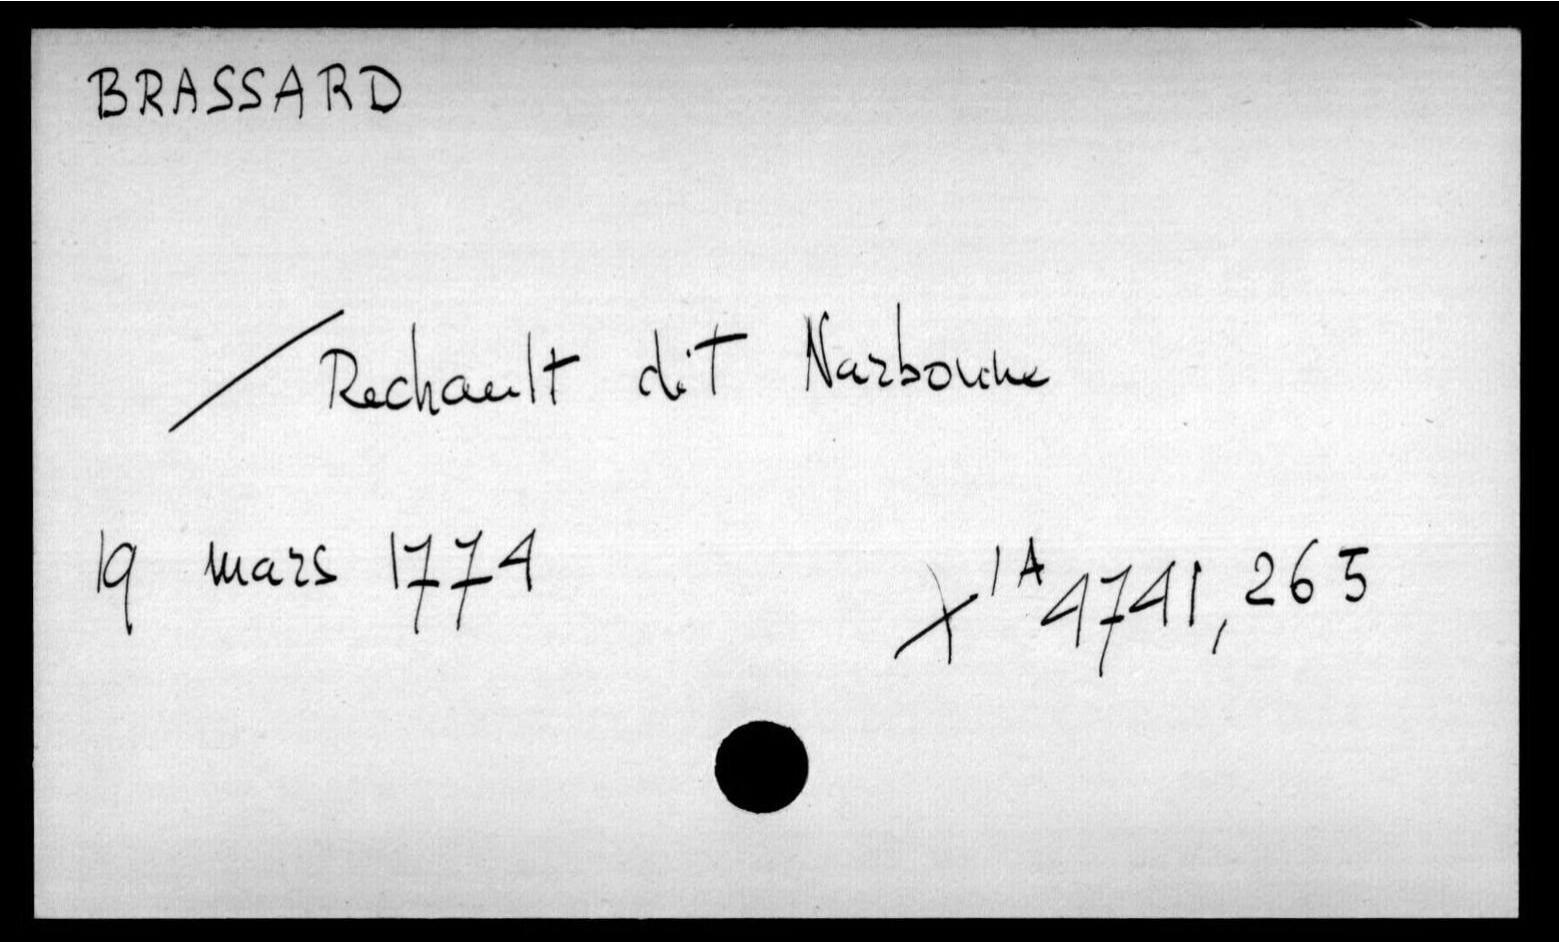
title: BRASSARD
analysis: Contre Rechault dit Narbonne
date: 19 mars 1774
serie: X1A
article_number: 4741
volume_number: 265
